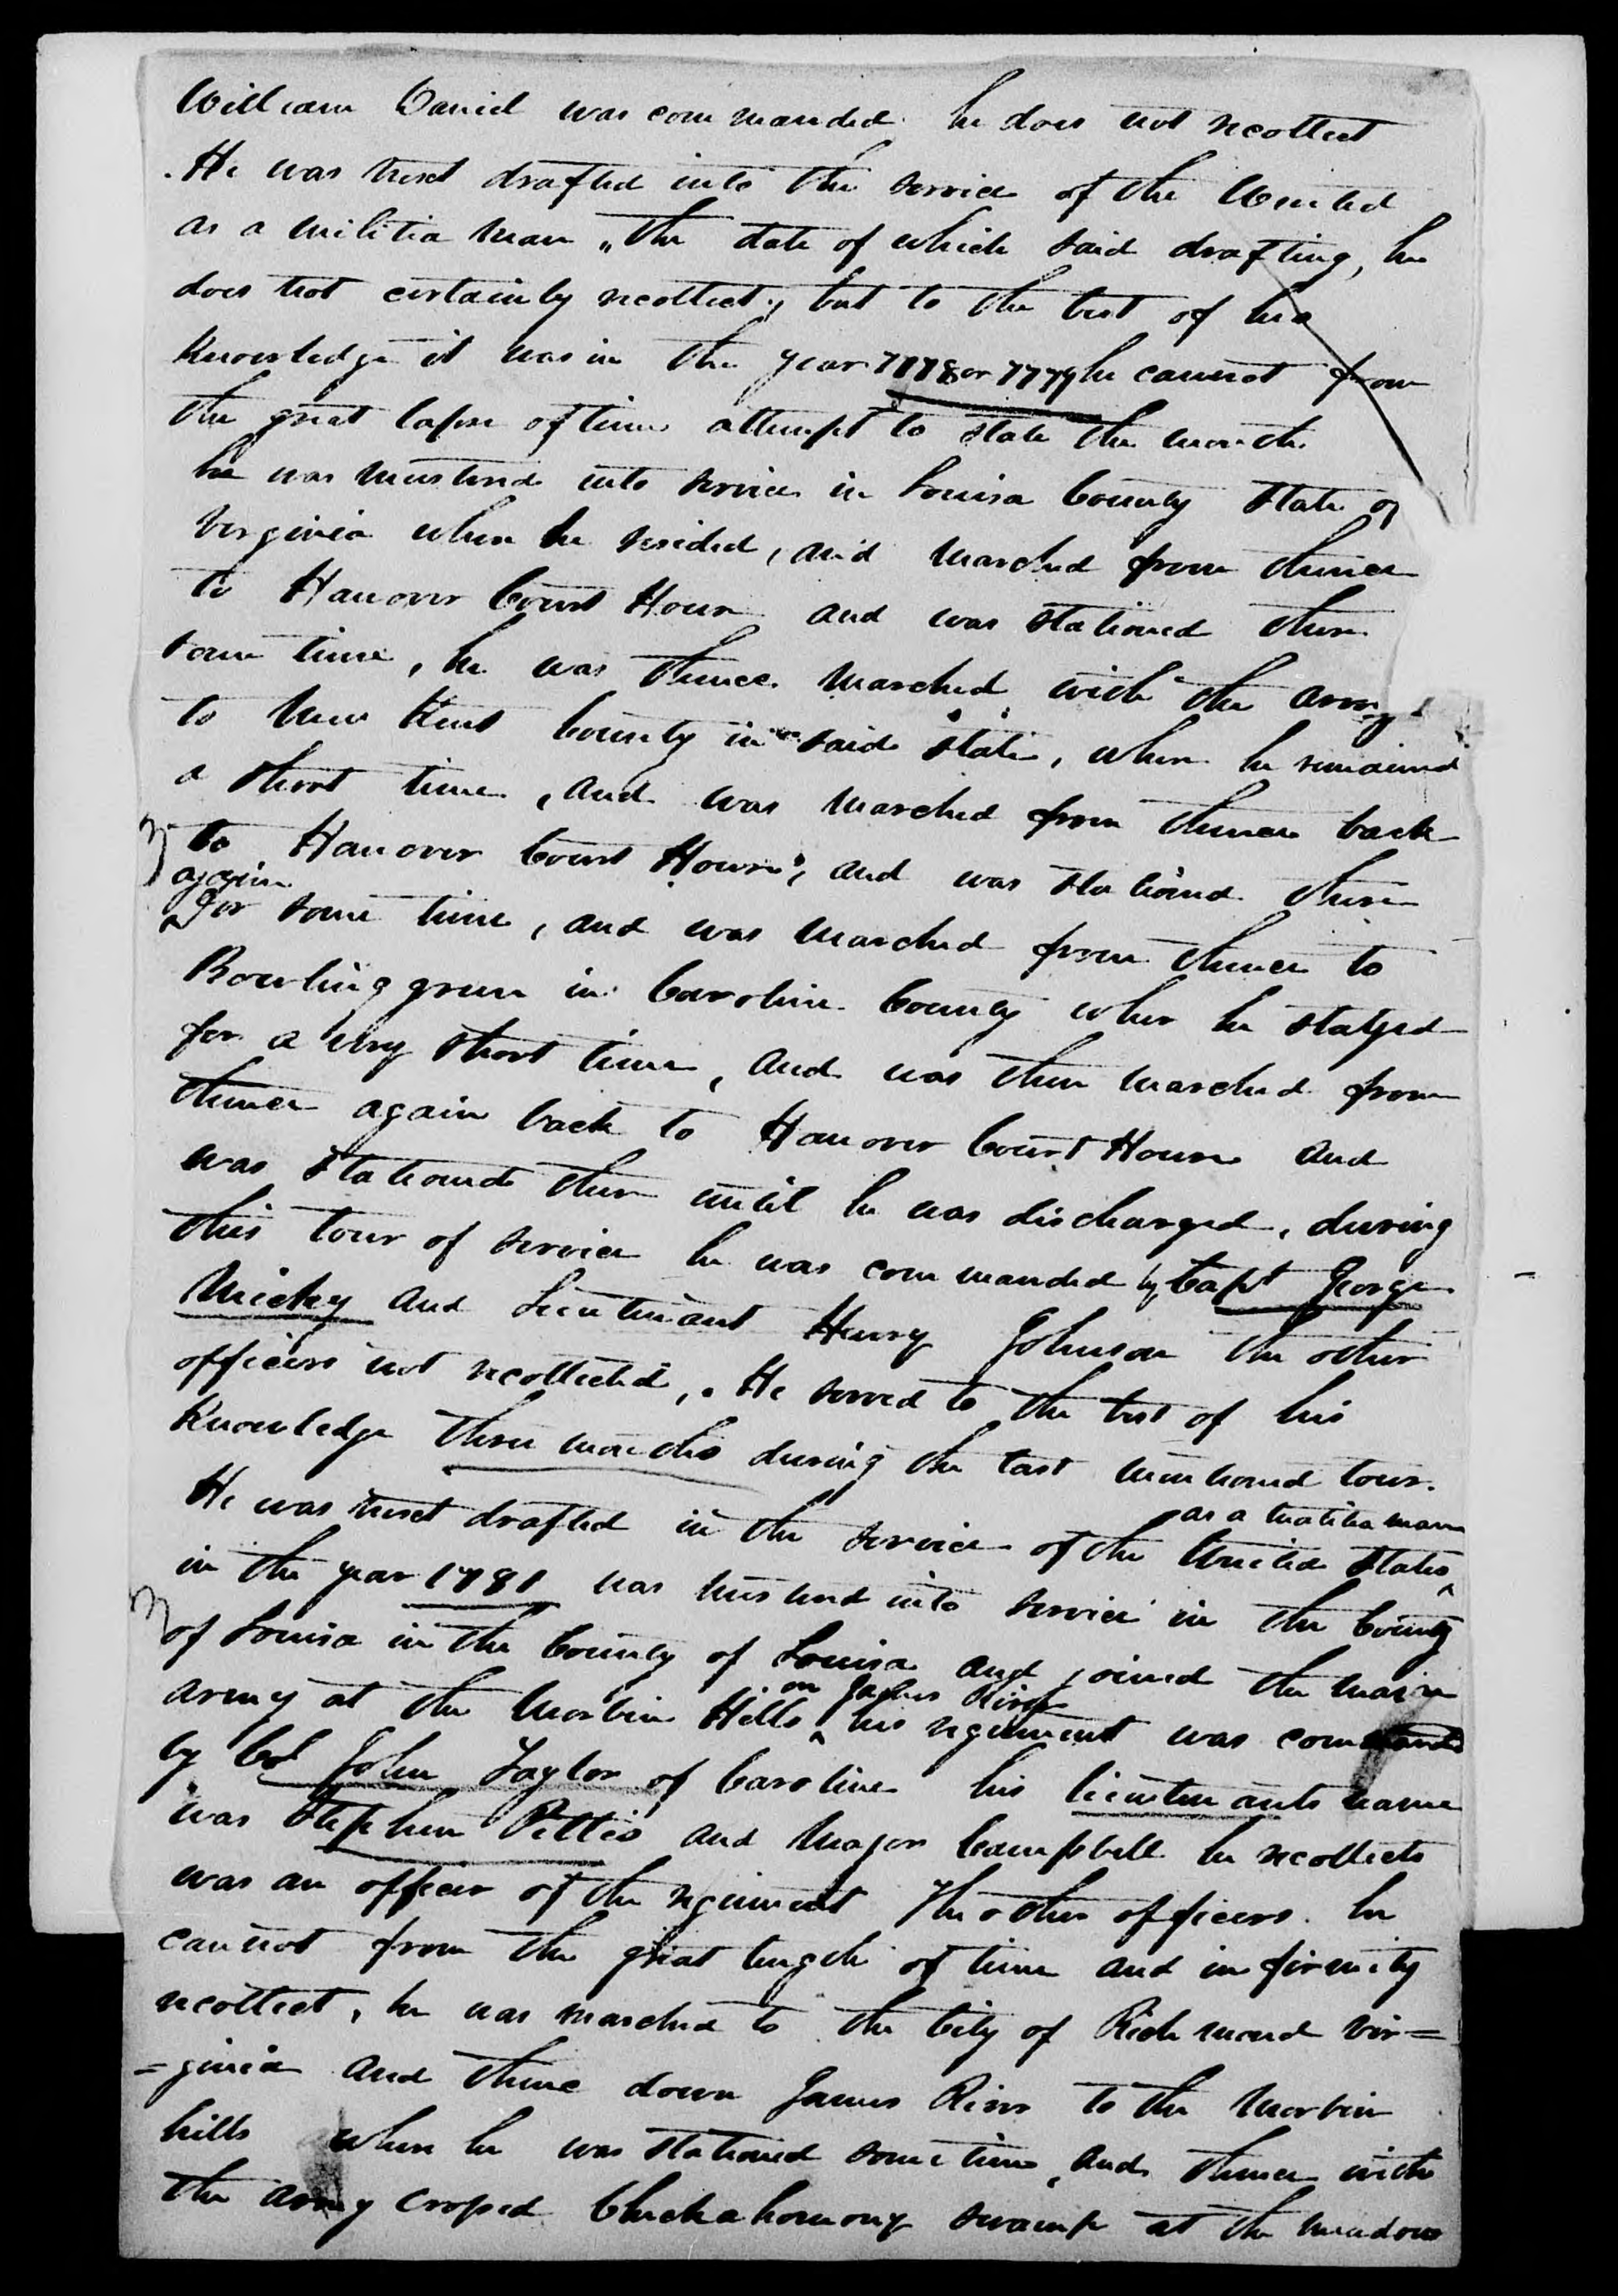William Daniel was commanded he does not recollect He was next drafted into the service of the United as a Militia Man "the date of which said drafting, he does not certainly recollect., but to the best of his knowledge it was in the year 1778 or 1779 he cannot from the great lapse of time attempt to state the month he was mustered into service in Louisa County State of Virginia where he resided, and marched from thence to Hanover Court House and was stationed there some time, he was thence marched with the army to New Kent County in said state, where he remained a short time, and was marched from thence back to Hanover Court House; and was stationed there again for some time, and was marched from thence to Bowling green in Caroline County where he stayed for a very short time, and was then marched from thence again back to Hanover Court House and was stationed there until he was discharged, during this tour of service he was commanded by Capt George Micky and Lieutenant Henry Johnson the other officers not recollected,. He served to the best of his knowledge three months during the last mentioned tours. He was next drafted in the service of the United States as a militia man in the year 1781 was mustered into service in the Count of Louisa in the County of Louisa and joined the main army at the Morbin Hills on James River his regiment was commanded by Col John Taylor of Caroline his lieutenants name was Stephen Pettis and Major Campbell he recollects was an officer of the regiment The other officers he cannot from the great length of time and infirmity recollect, he was marched to the City of Richmond Virginia and thence down James River to the Morbin hills where he was stationed some time, and thence with the army crossed Chickahominy swamp at the meadow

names: George Micky, John Taylor, William Daniel, Campbell, Henry Johnson, Stephen Pettis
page: 4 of 47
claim: survivor's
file: S. 3,322, William Edwards, Va.